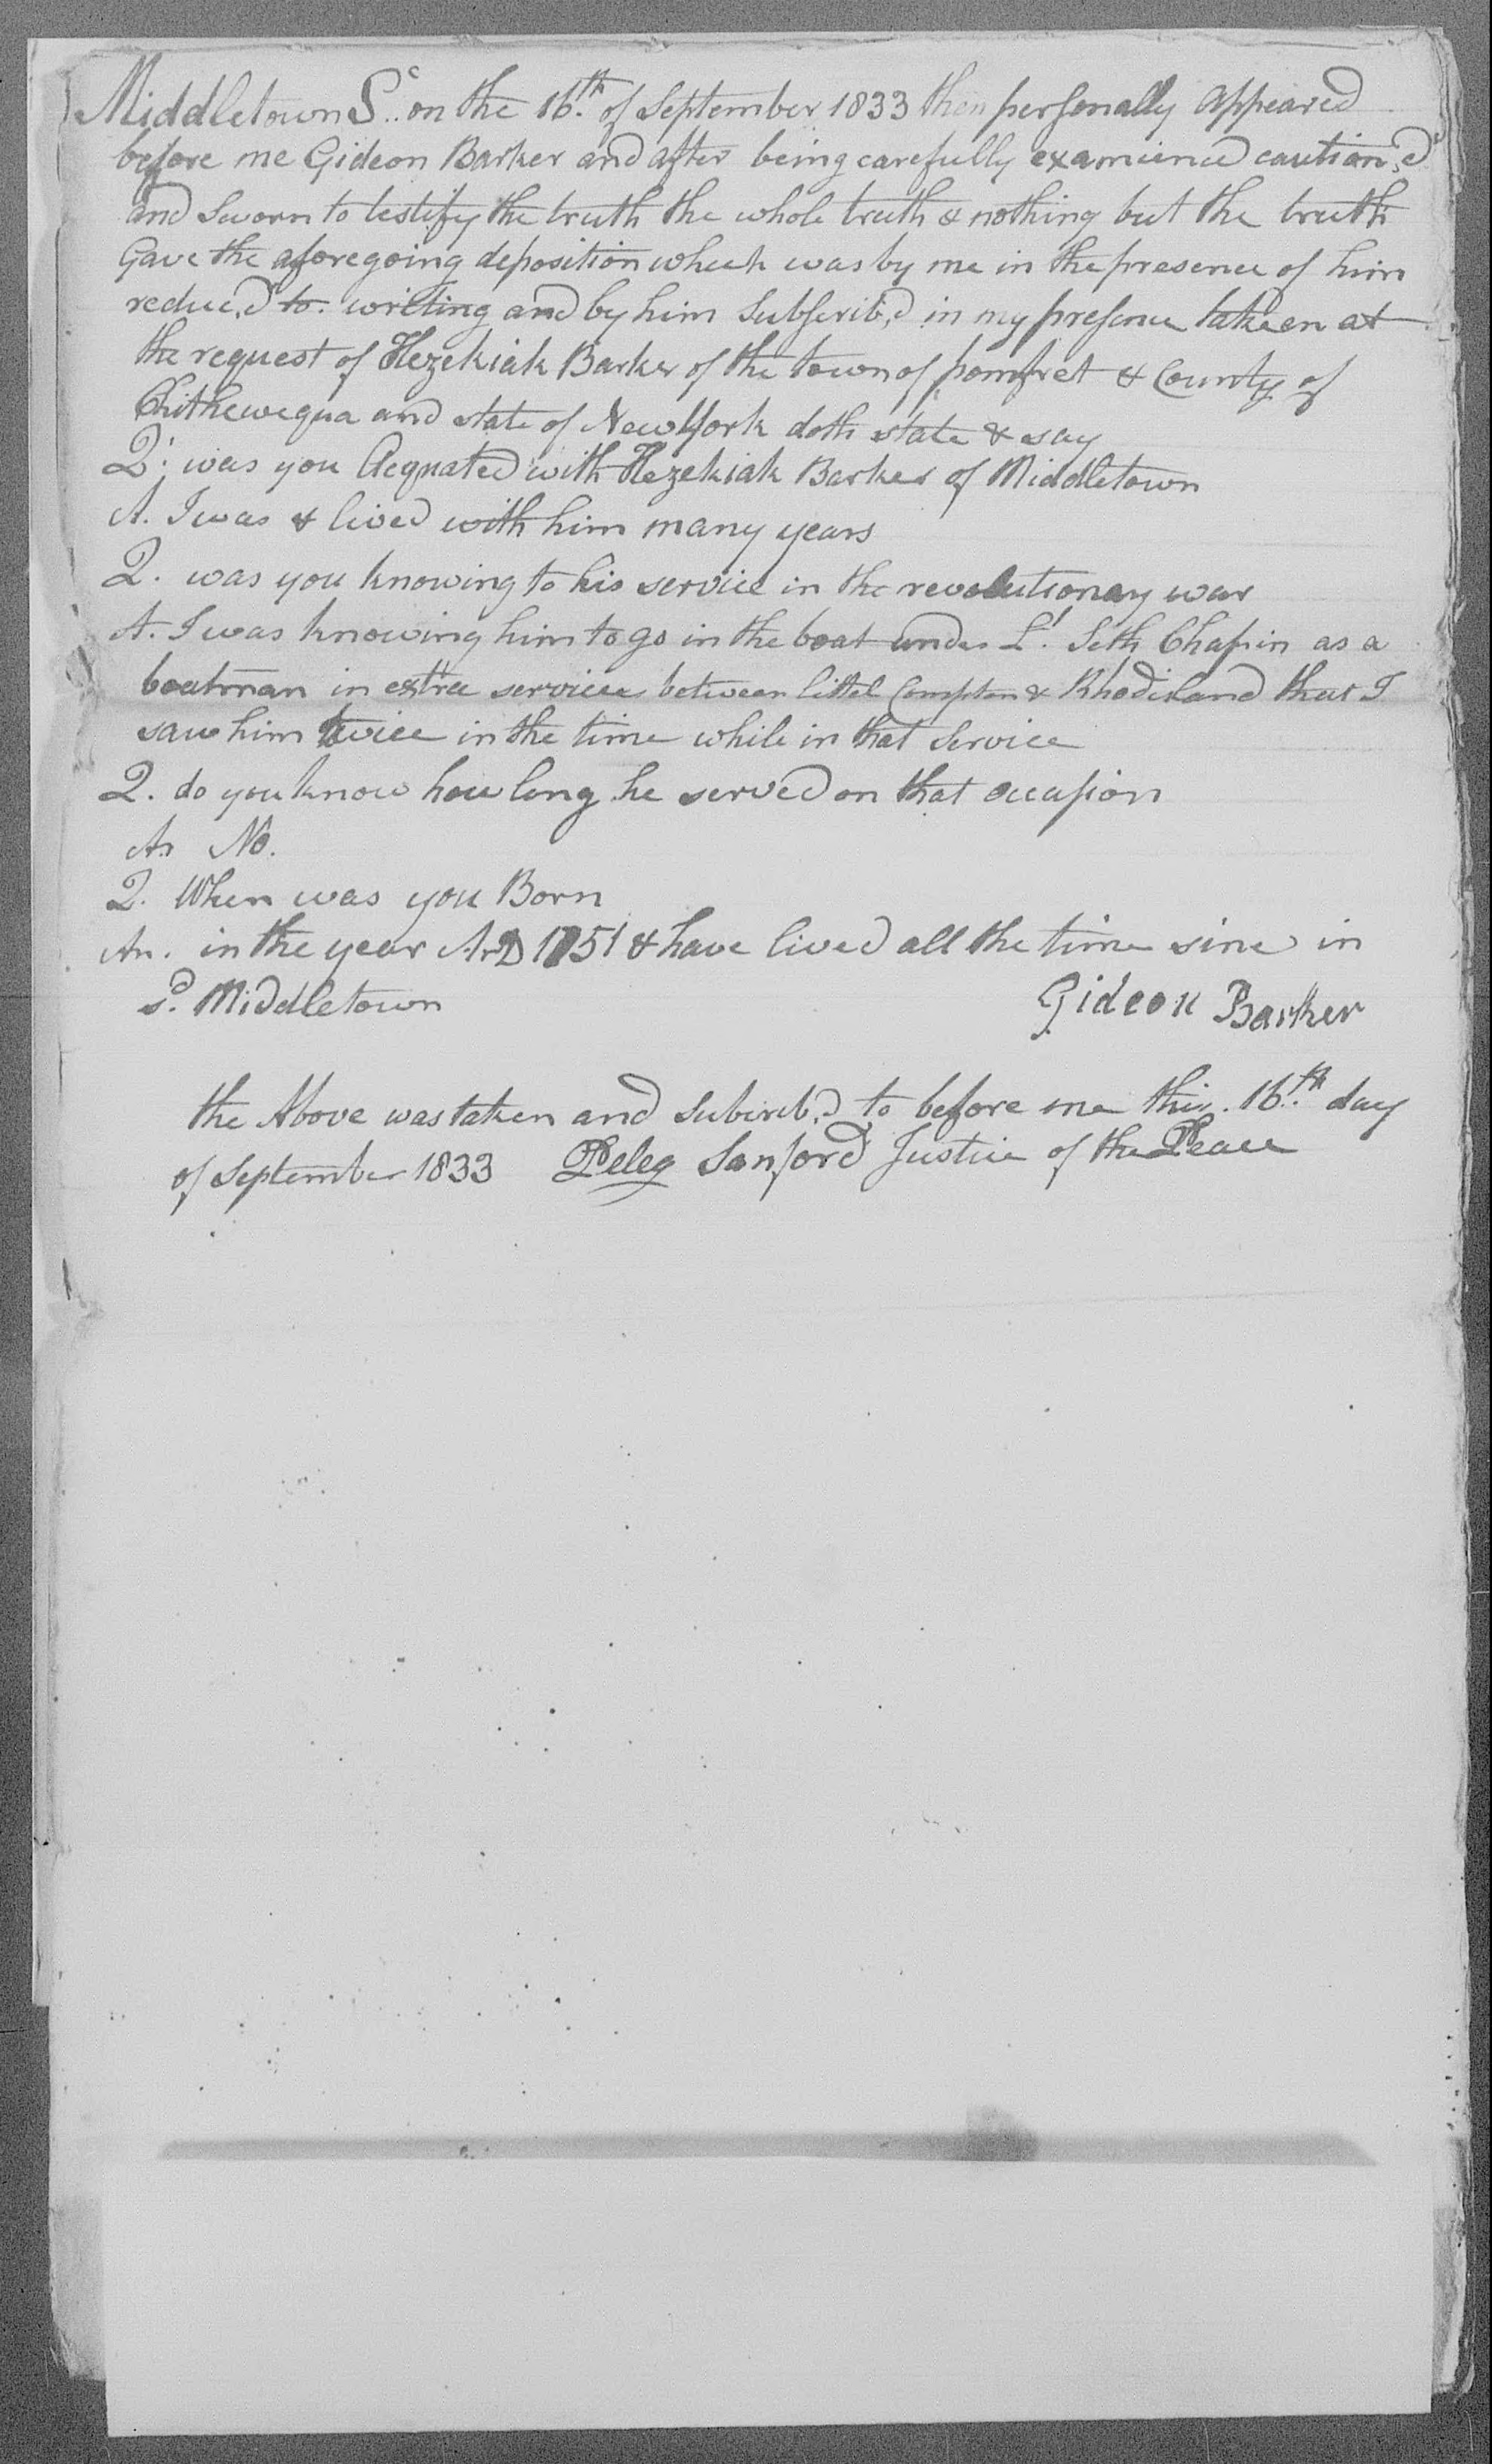Middletown Sc on the 16th of September 1833 then personally appeared before me Gideon Barker and after being carefully examined cautioned and sworn to testify the truth the whole truth & nothing but the truth gave the aforegoing deposition which was by me in the presence of him reduced to writing and by him subscribed in my presence taken at the request of Hezekiah Barker of the town of Pomfret & County of Chautauqua and State of New York doth state & say. Q: Was you Acquainted with Hezekiah Barker of Middletown. A. I was & lived with him many years. Q. was you knowing to his service in the revolutionary war? A. I was knowing him to go in the boat under St. Seth Chapin as a boatman in extra service between Littel Compton & Rhode Island That I saw him twice in the time while in that service. Q. do you know how long he served on that occupation? A. No. Q. When was you born? A. In the year A.D. 1751 & have lived all the time since in sd. Middletown Gideon Barker the Above was taken and subscrib'd to before me this 16th day of September 1833 Peleg Sanford Justice of the Peace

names: Seth Chapin, Gideon Barker, Gideon Barker, Hezekiah Barker, Hezekiah Barker, Peleg Sanford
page: 30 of 52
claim: widow's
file: W. 18,565, Hezekiah Barker, Continental R.I.